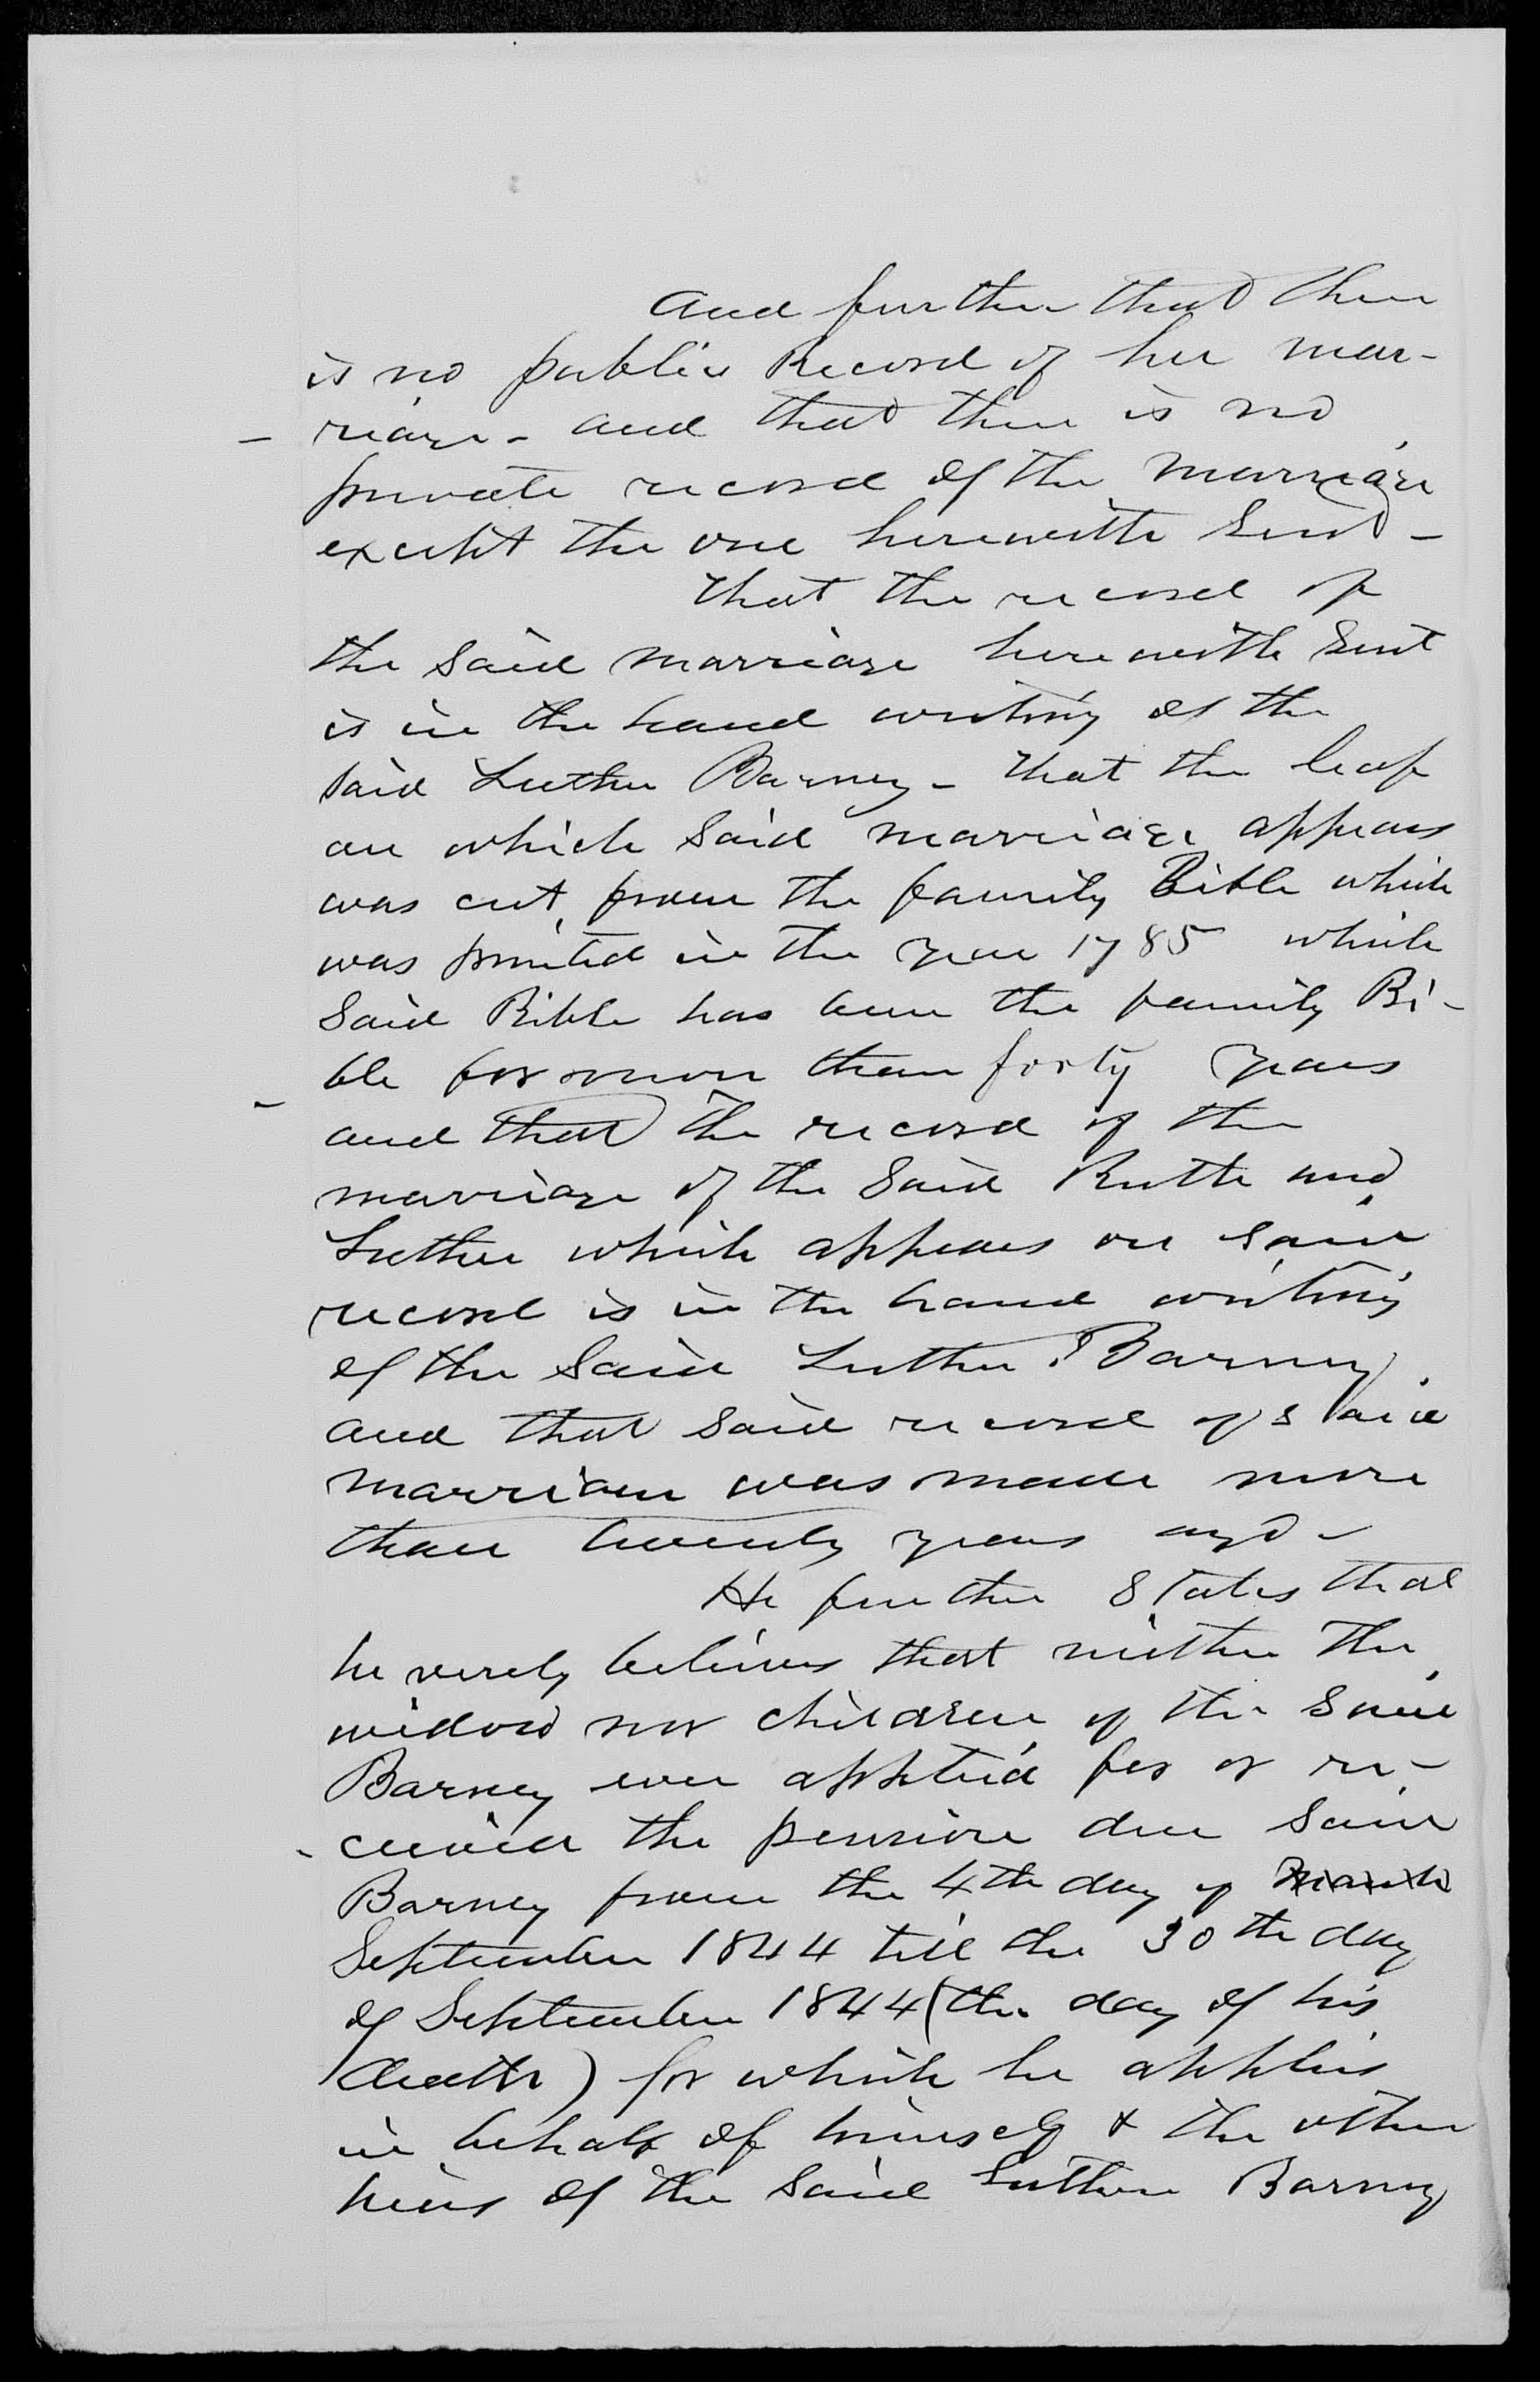And further that there is no public Record of her marriage, and that there is no private record of the marriage except the one herewith sent - that the record of the said marriage herewith sent is in the hand writing of the said Luther Barney - that the leaf on which said marriage appears was cut from the family Bible which was printed in the year 1785 which said Rible has been the family Bible for more than forty years and that the record of the
marriage of the said Ruth and Luther which appears on same record is in the hand writing of the said Luther Barney, and that said record of said marriage was made more than twenty years ago. 
He further states that he verily believes that neither the widow nor children of the said Barney ever applied for or received the pension due same Barney from the 4th day of March [crossed out] September 1844 till the 30th day
of September 1844 (the day of his death) for which he applies in behalf of himself & the other heirs of the said Luther Barney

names: Luther Barney, Barney, Luther Barney, Barney, Luther, Ruth, Luther Barney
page: 16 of 61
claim: widow's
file: W. 4.124, Luther Barney, Conn. Privateer.